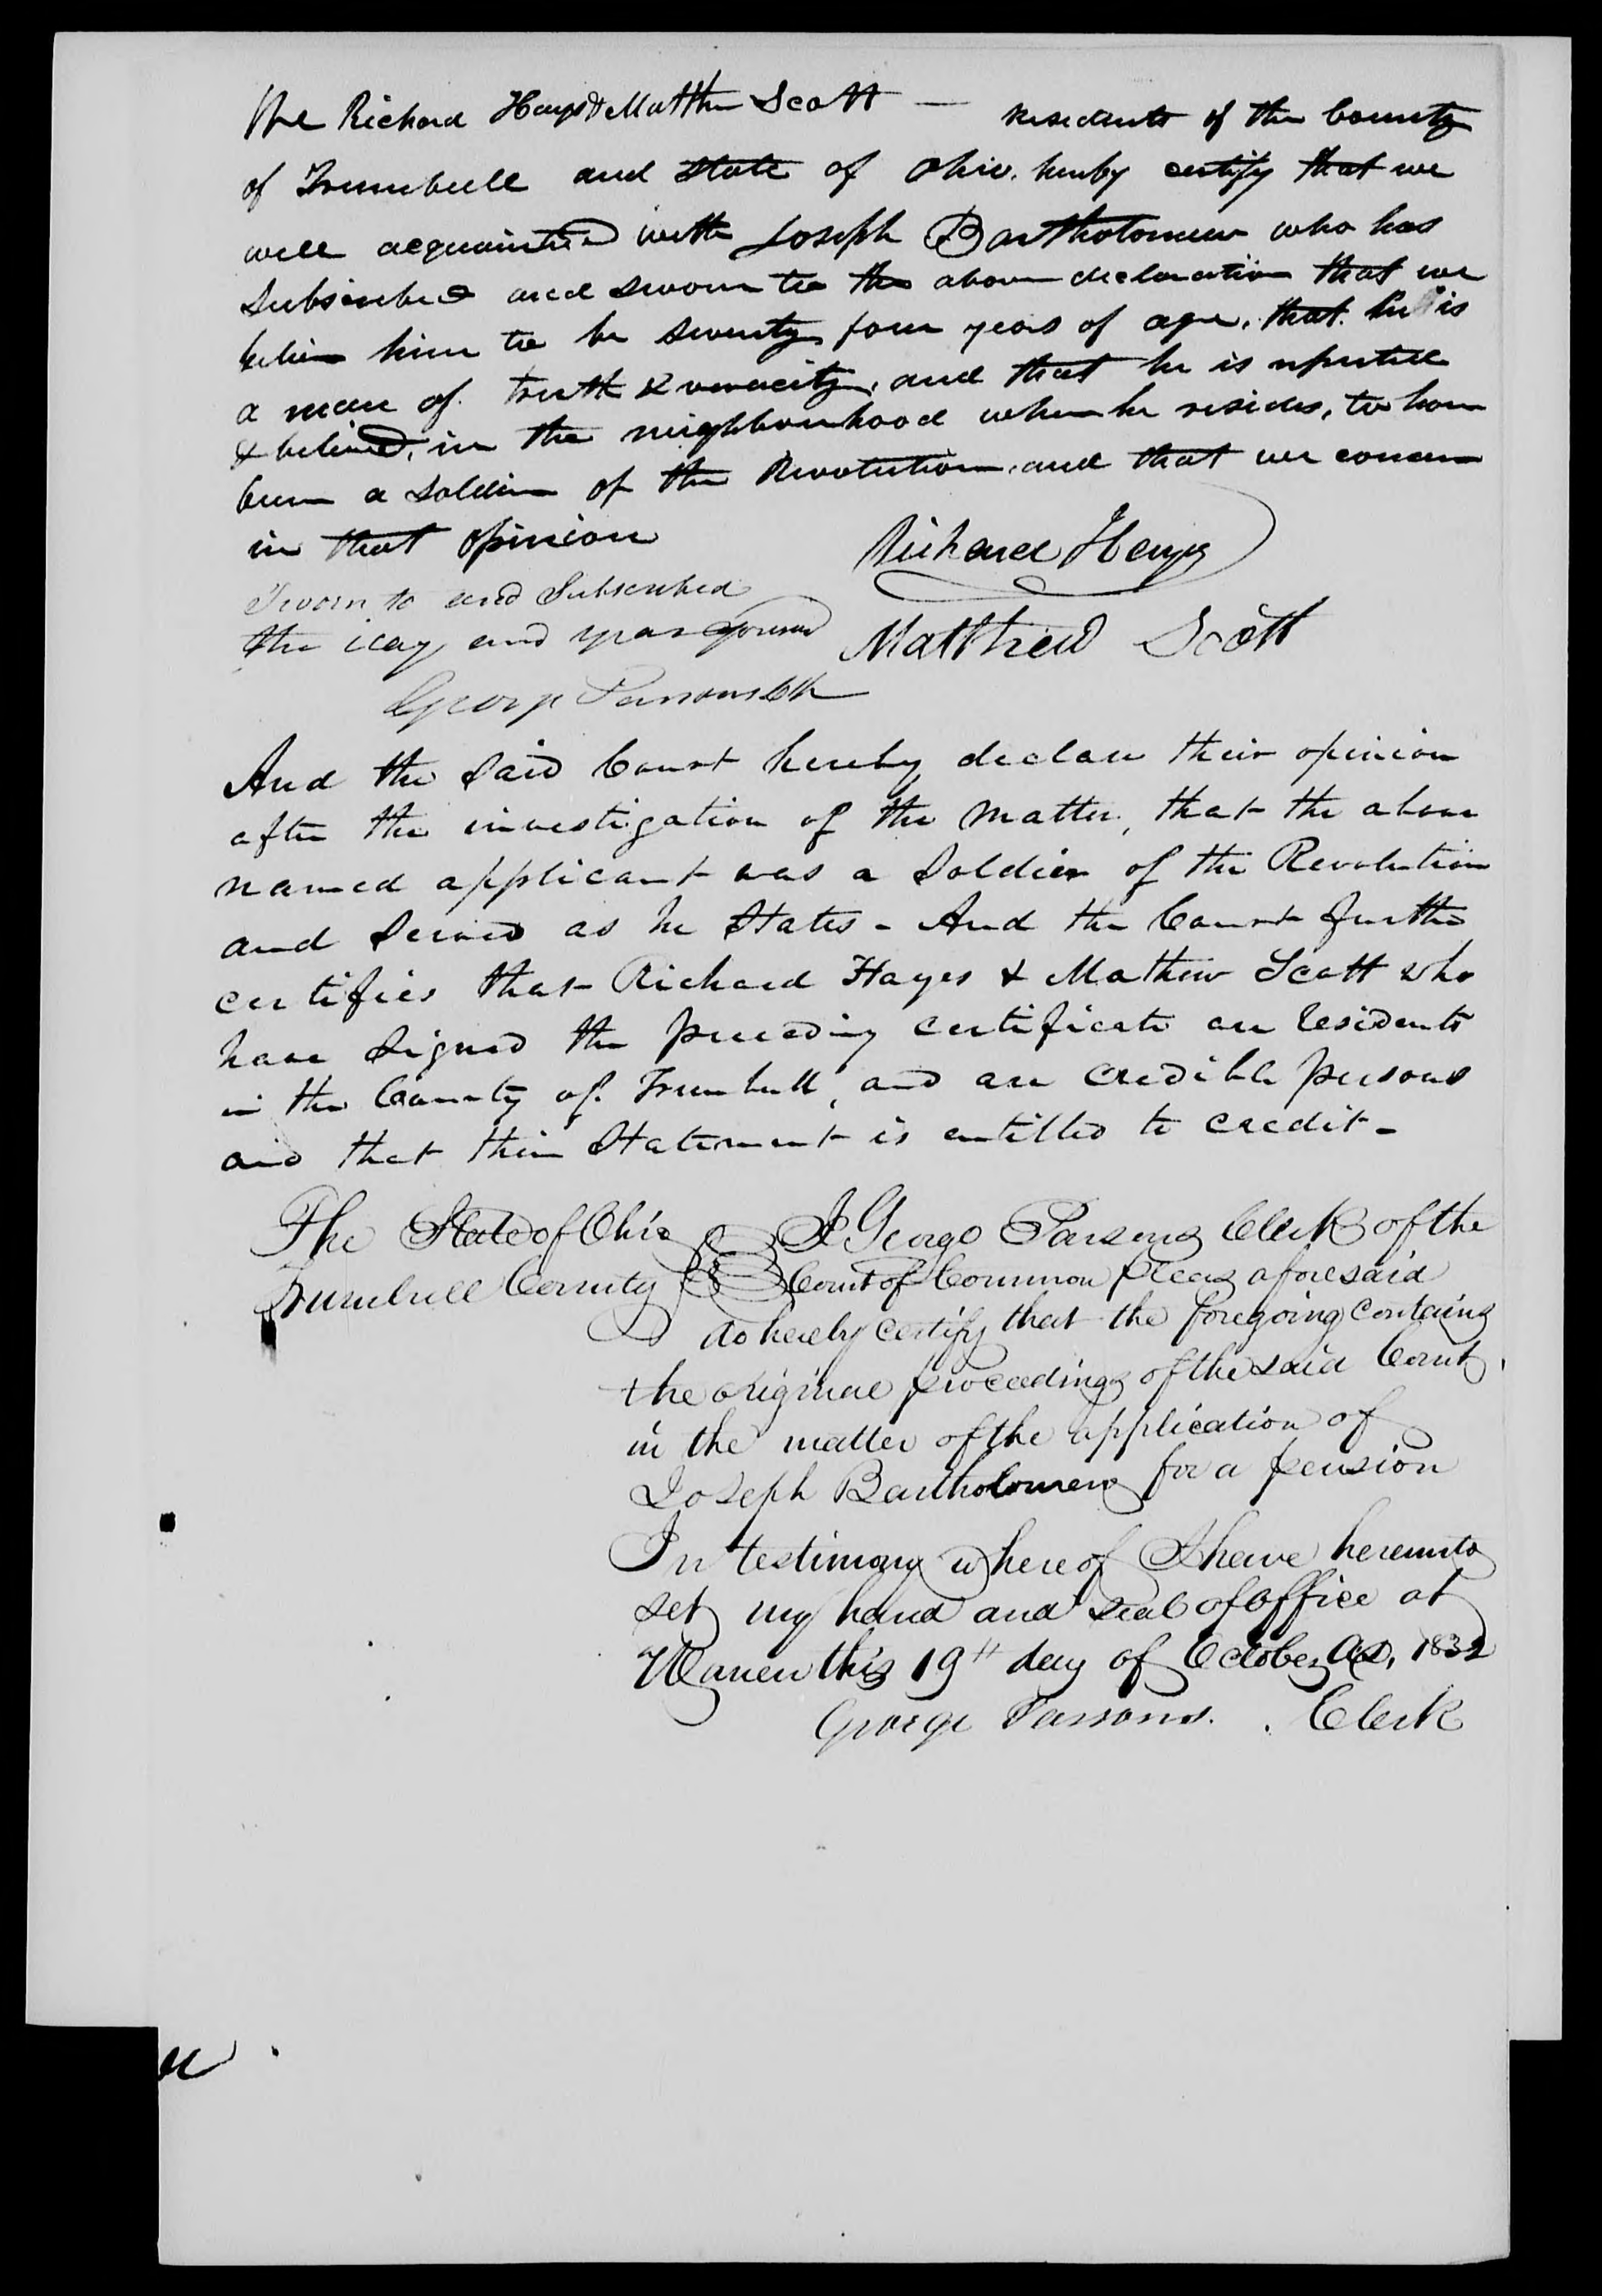We Richard Hayes & Matthew Scott - residents of the County of Trumbull and State of Ohio hereby certify that we [are] well acquainted with Joseph Bartholomew who has subscribed and sworn to the above declaration that we believe him to be seventy four years of age, that he is a man of truth & veracity, and that he is reputed & believed, in the neighborhood where he resides, to have
been a soldier of the Revolution, and that we concur in that opinion.

Richard Hayes [signature]
Matthew Scott [signature]

Sworn to and Subscribed
the day and year aforesaid
George Parsons [signature] Clk.

And the said Court hereby declare their opinion after the investigation of the matter, that the above named applicant was a soldier of the Revolution and served as he states. And the Court further certifies that Richard Hayes & Mathew Scott who have signed the preceding certificate are residents in the County of Trumbull and are credible persons
and that their statement is entitled to credit.

The State of Ohio
Trumbull County ss

I George Parsons Clerk of the Court of Common Pleas aforesaid do hereby certify that the foregoing contains the original proceedings of the said County in the matter of the application of Joseph Bartholomew for a pension.

In testimony whereof I have hereunto set my hand and seal of office at Warren this 19th day of October AD. 1832
George Parsons
Clerk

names: Richard Hayes, George Parsons, Joseph Bartholomew, Mathew Scott, Richard Hays, Matthew Scott, Richard Hayes, George Parsons, Joseph Bartholomew, Matthew Scott, George Parsons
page: 11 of 76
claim: widow's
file: W. 9345, Joseph Bartholomew, Conn.